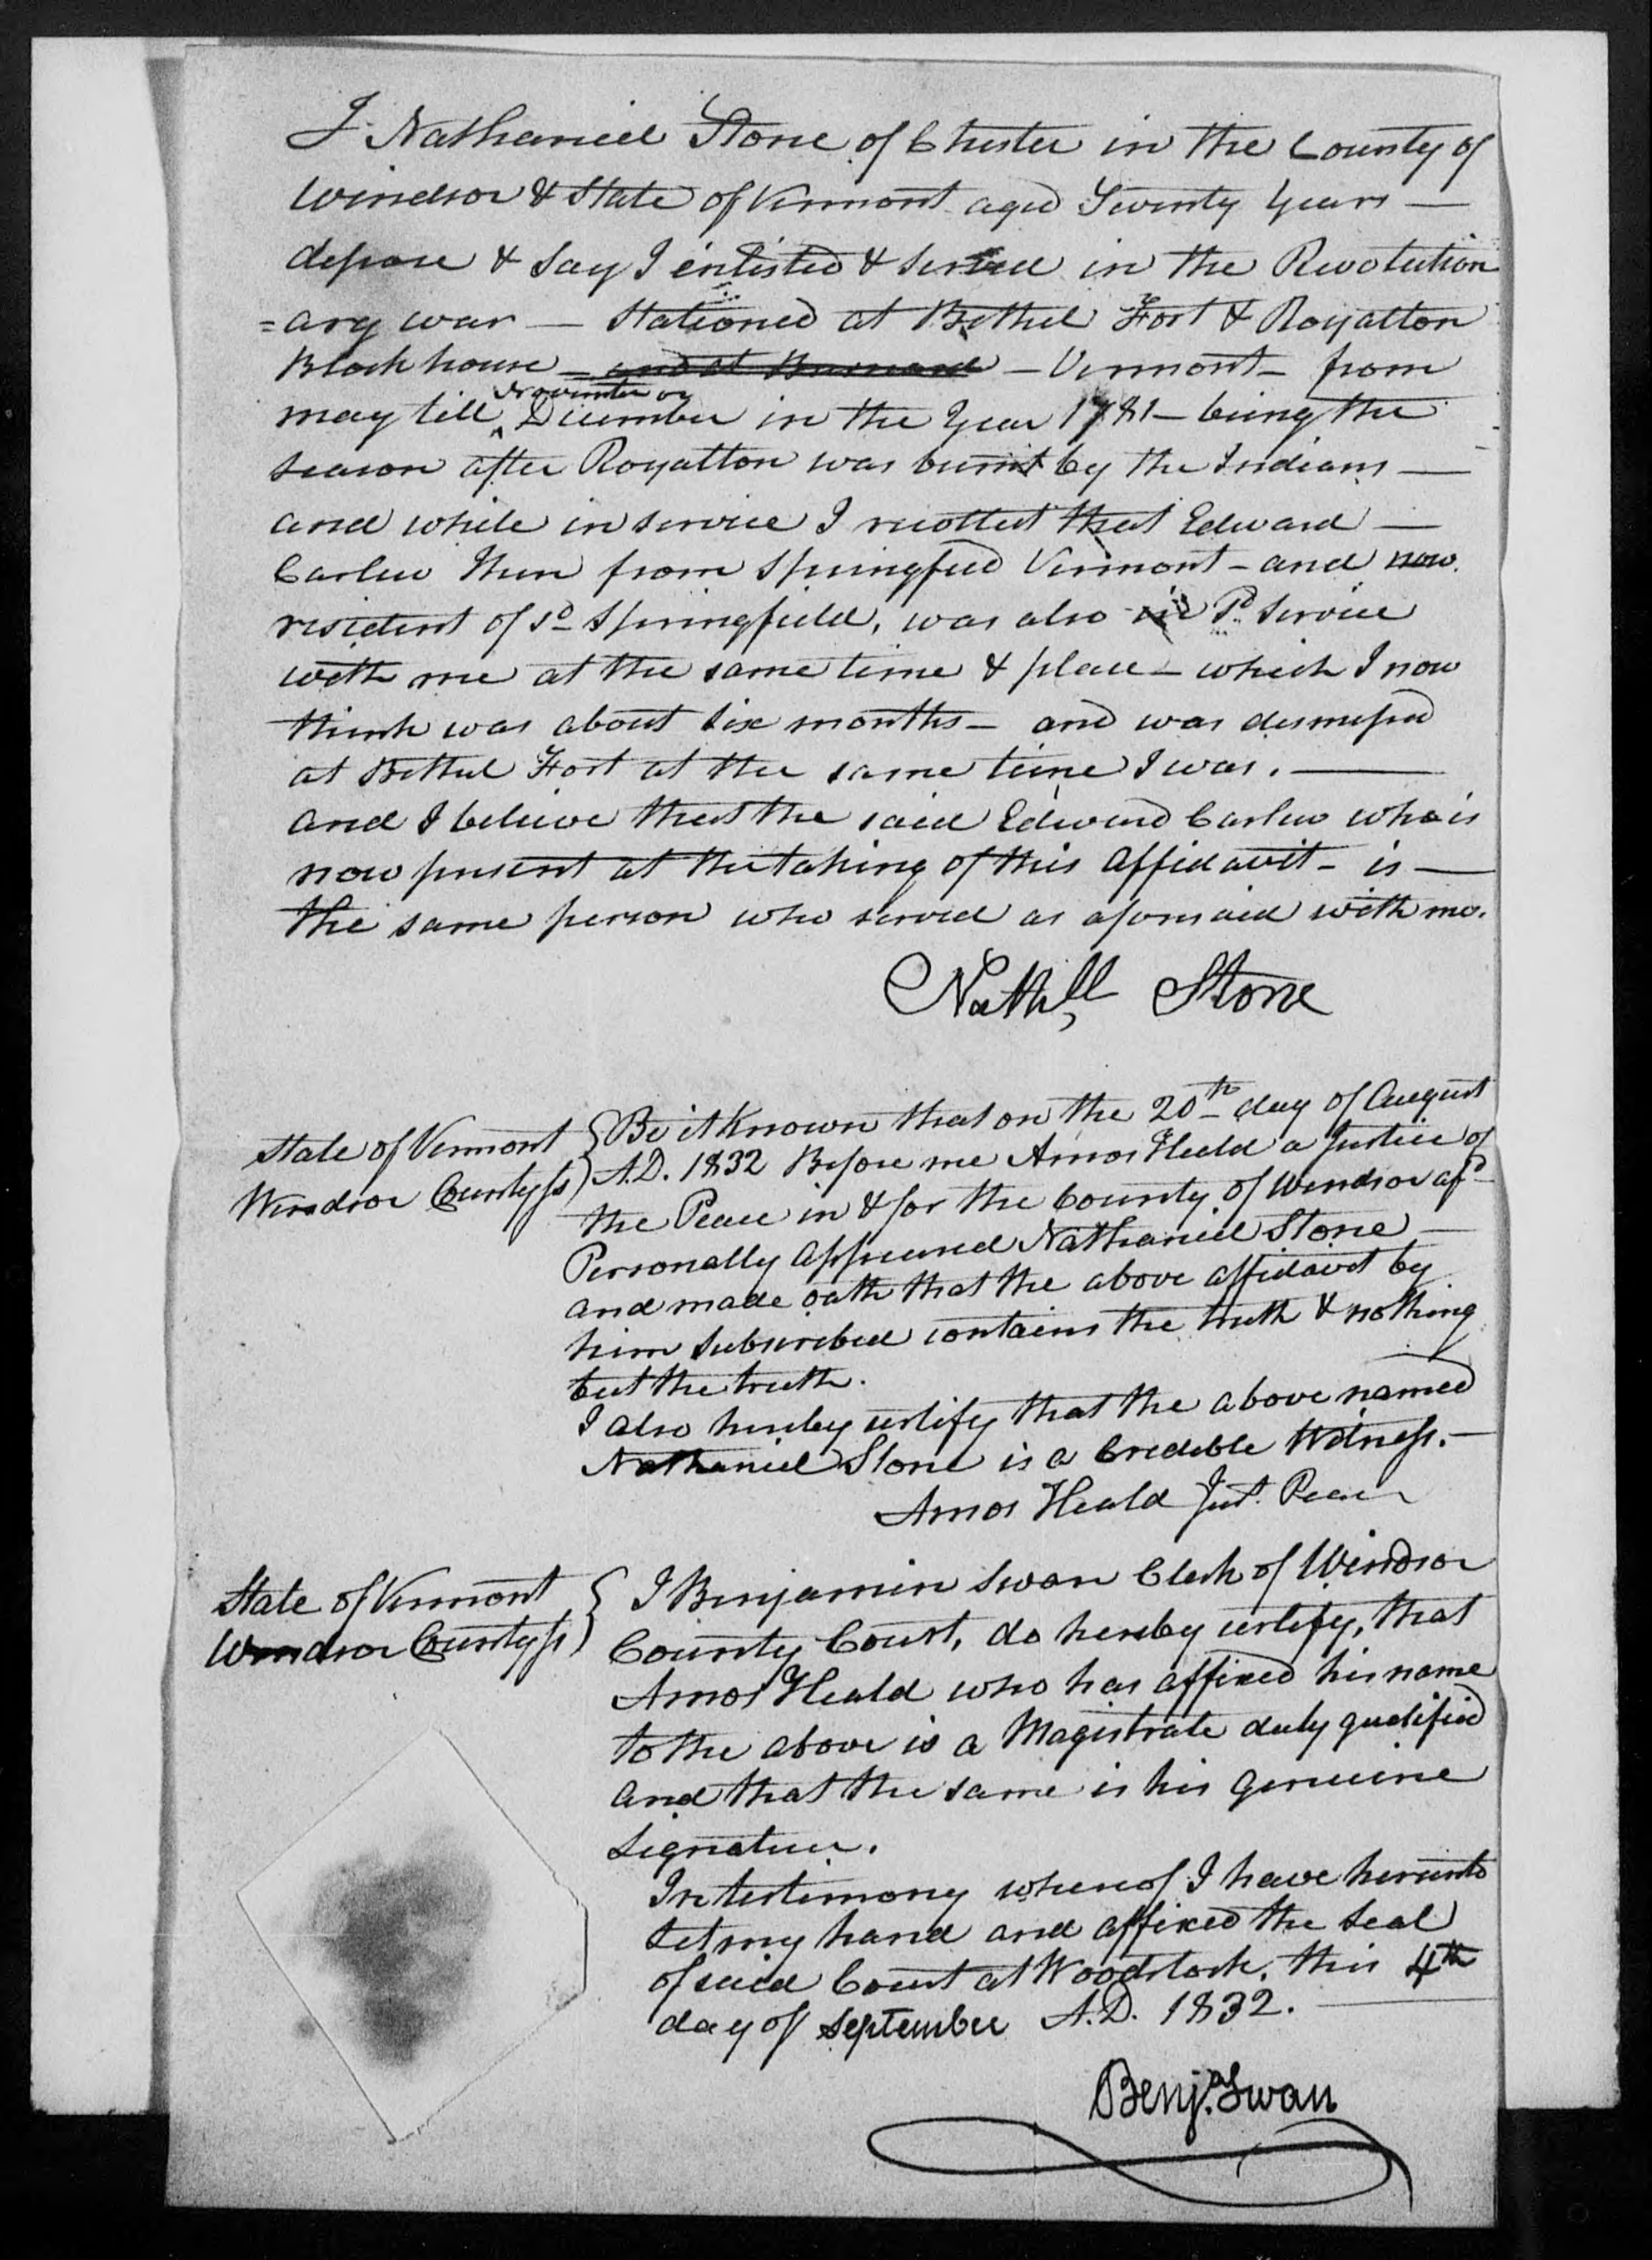I Nathaniel Stone of Chester in the County of Windsor + State of Vermont aged Seventy years - depose + say I inlisted + served in the Revolutionary war - stationed at Bethel Fort + Royalton Block house ['and at Barnard' crossed out] - Vermont - from may till November or December in the year 1781 - being the season after Royalton was burnt by the Indians - and while in service I recollect that Edward - Corlew then from Springfield Vermont - and now resident of s'd Springfield, was also in s'd Service with me at the same time + place - which I now think was about six months - and was dismissed and I believe that the said Edward Corlew who is now present at the taking of this affidavit - is - the same person who served as aforesaid with me. 
/s/Nath'll Stone
State of Vermont
Windsor County ss} Be it known that on the 20th day of August A.D. 1832 Before me Amos Heald a Justice of the Peace in + for the County of Windsor af'd - Personally appeared Nathaniel Stone - and made oath that the above affidavit by him subscribed contains the truth  + nothing but the truth.
I also hereby certify that the above named Nathaniel Stone is a credible witness. - 
/s/Amos Heald Just. Peace
State of Vermont
Windsor County ss} I Benjamin Swan Clerk of Windsor County Court, do hereby certify, that Amos Heald who has affixed his name to the above is a Magistrate duly qualified and that the same is his genuine signature.
[court seal affixed] In testimony whereof I have hereunto set my hand and affixed the Seal of said Court at Woodstock this 4th day of September A.D. 1832. - 
/s/Benj'n Swan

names: Nathel Stone, Edward Carlew, Benjamin Swan, Amos Heald, Benja Swan, Nathaniel Stone, Amos Heald, Edward Carlew, Nathaniel Stone, Amos Heald, Nathaniel Stone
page: 18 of 18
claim: survivor's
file: S. 21,702, Edward Corlew, Vt.